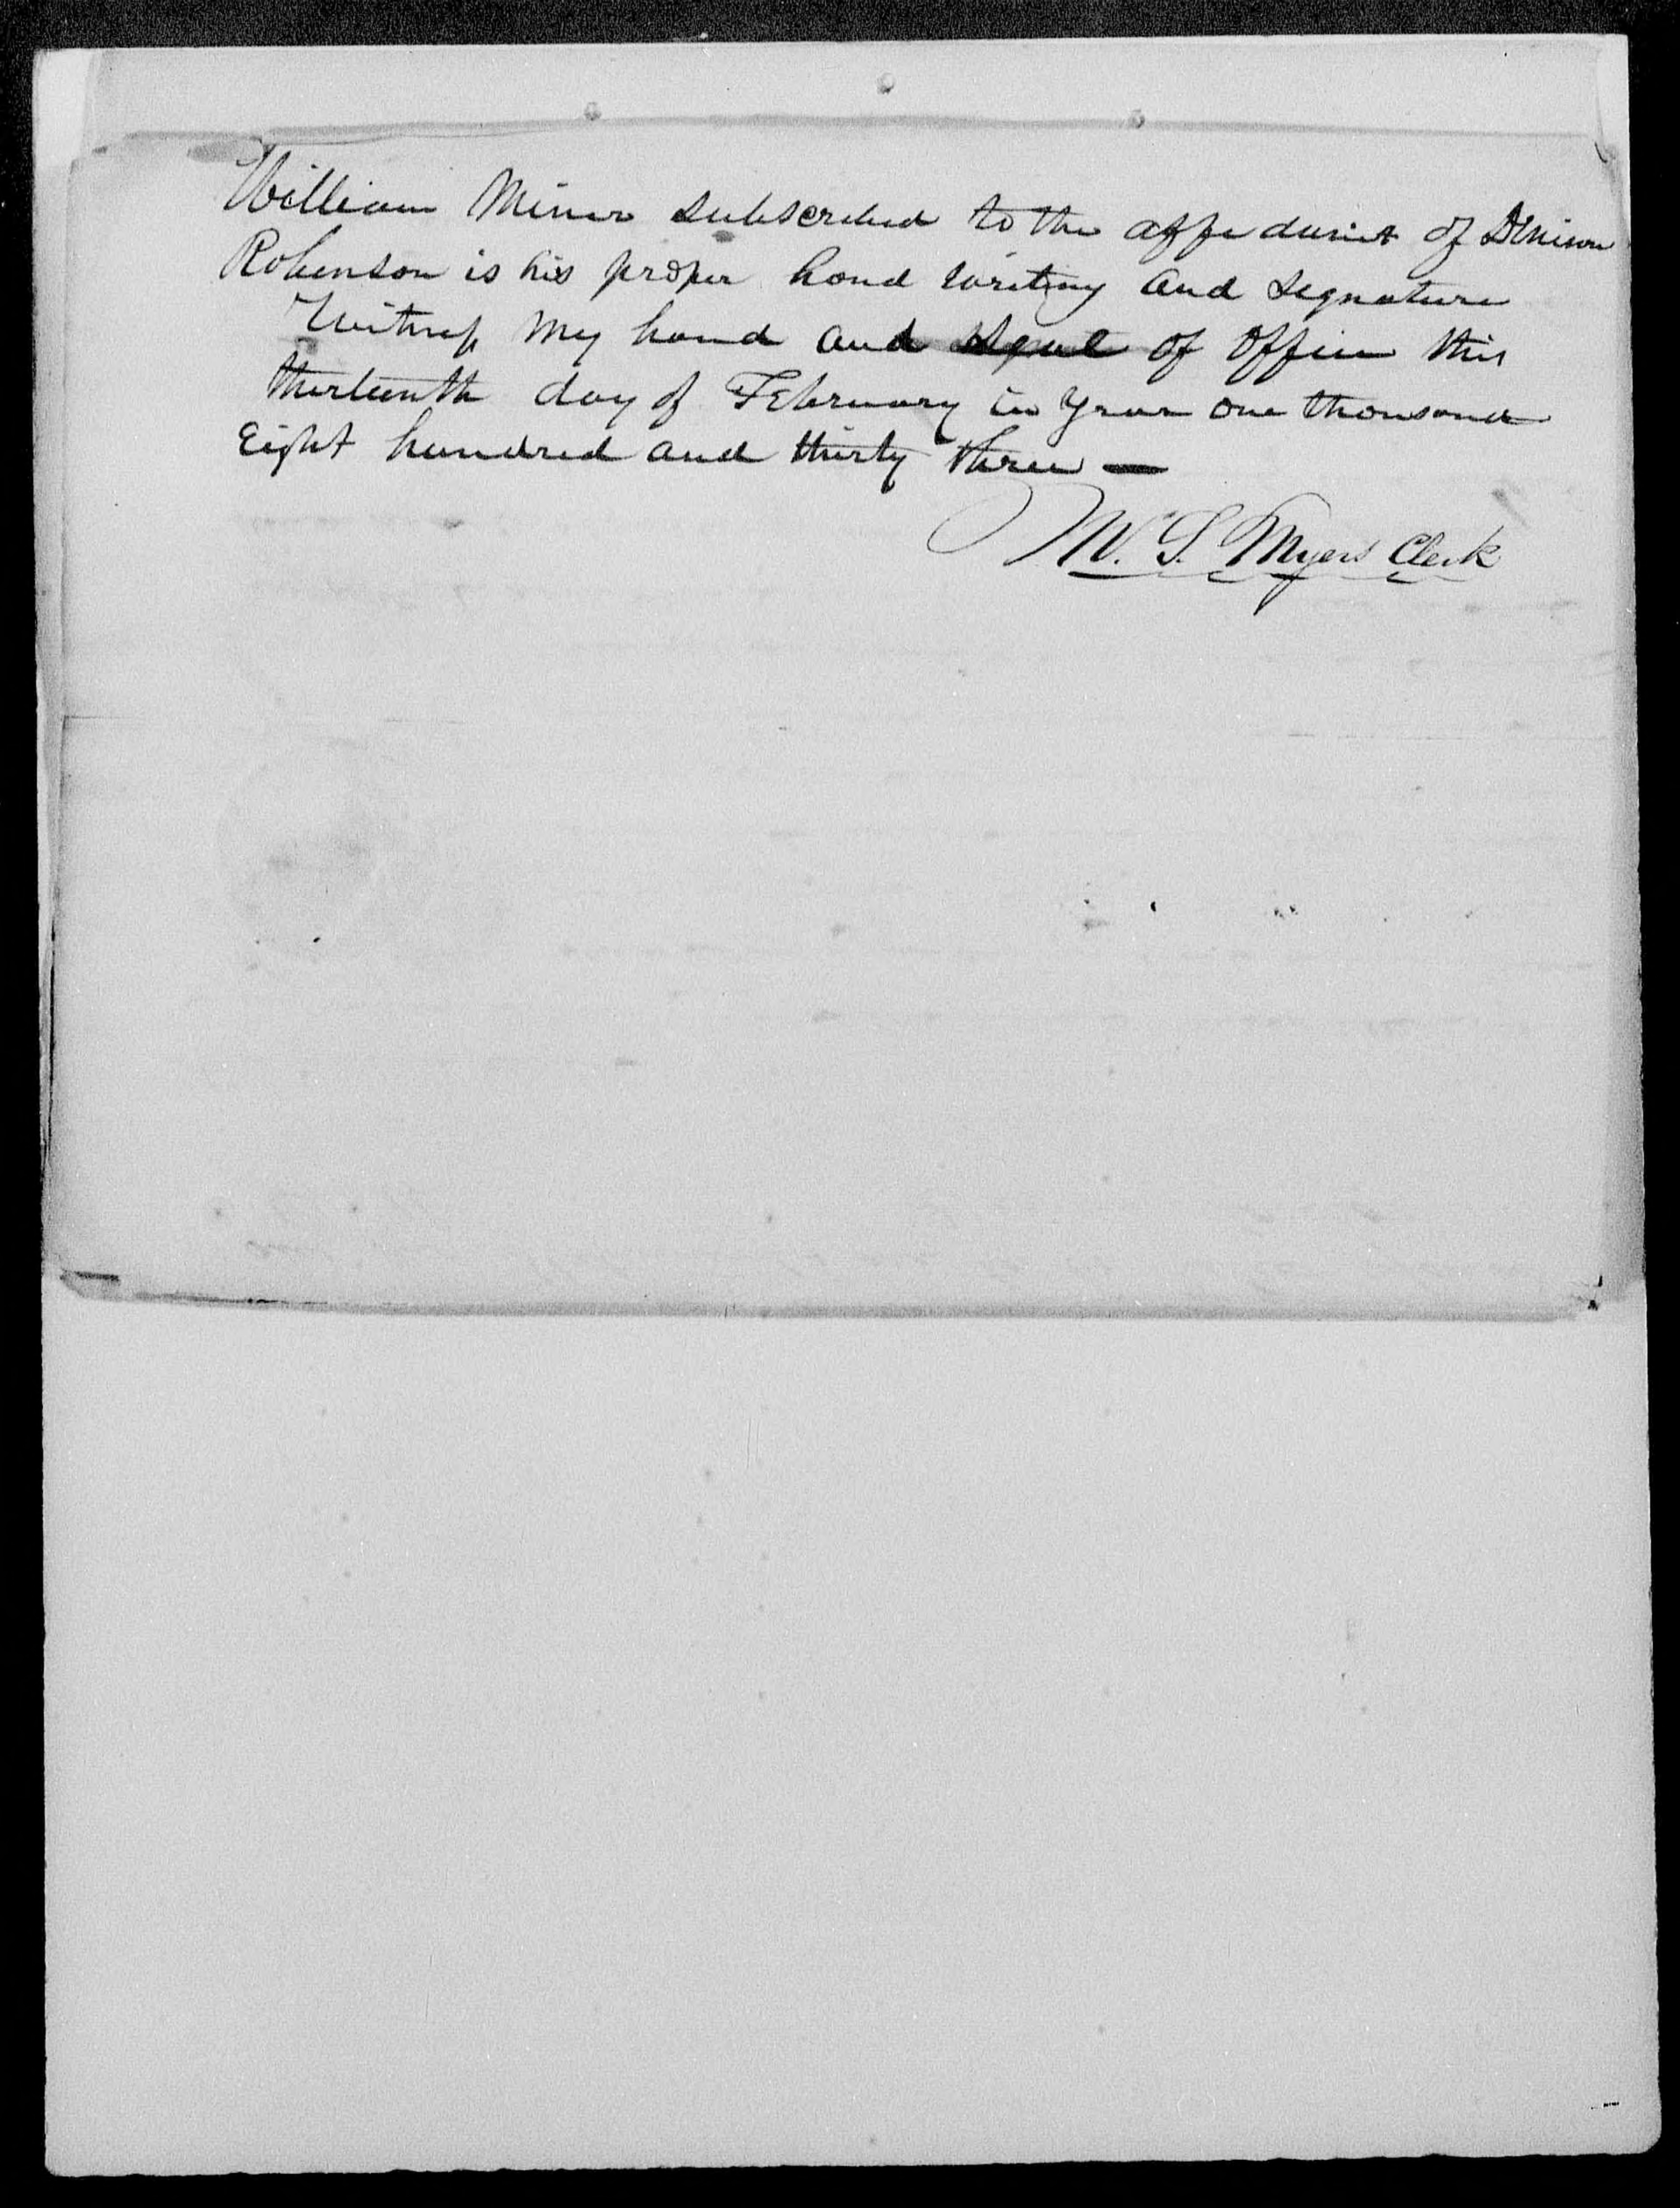William Miner subscribed to the affidavit of Denison Robinson is his proper hand writing and signature witness my hand and seal of office this thirteenth day of February in year one thousand eight hundred and thirty three.
M. S. Myers clerk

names: M S Myers, Denison Robinson, William Miner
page: 15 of 26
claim: survivor's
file: S. 12,291, Jesse Brewster, New York